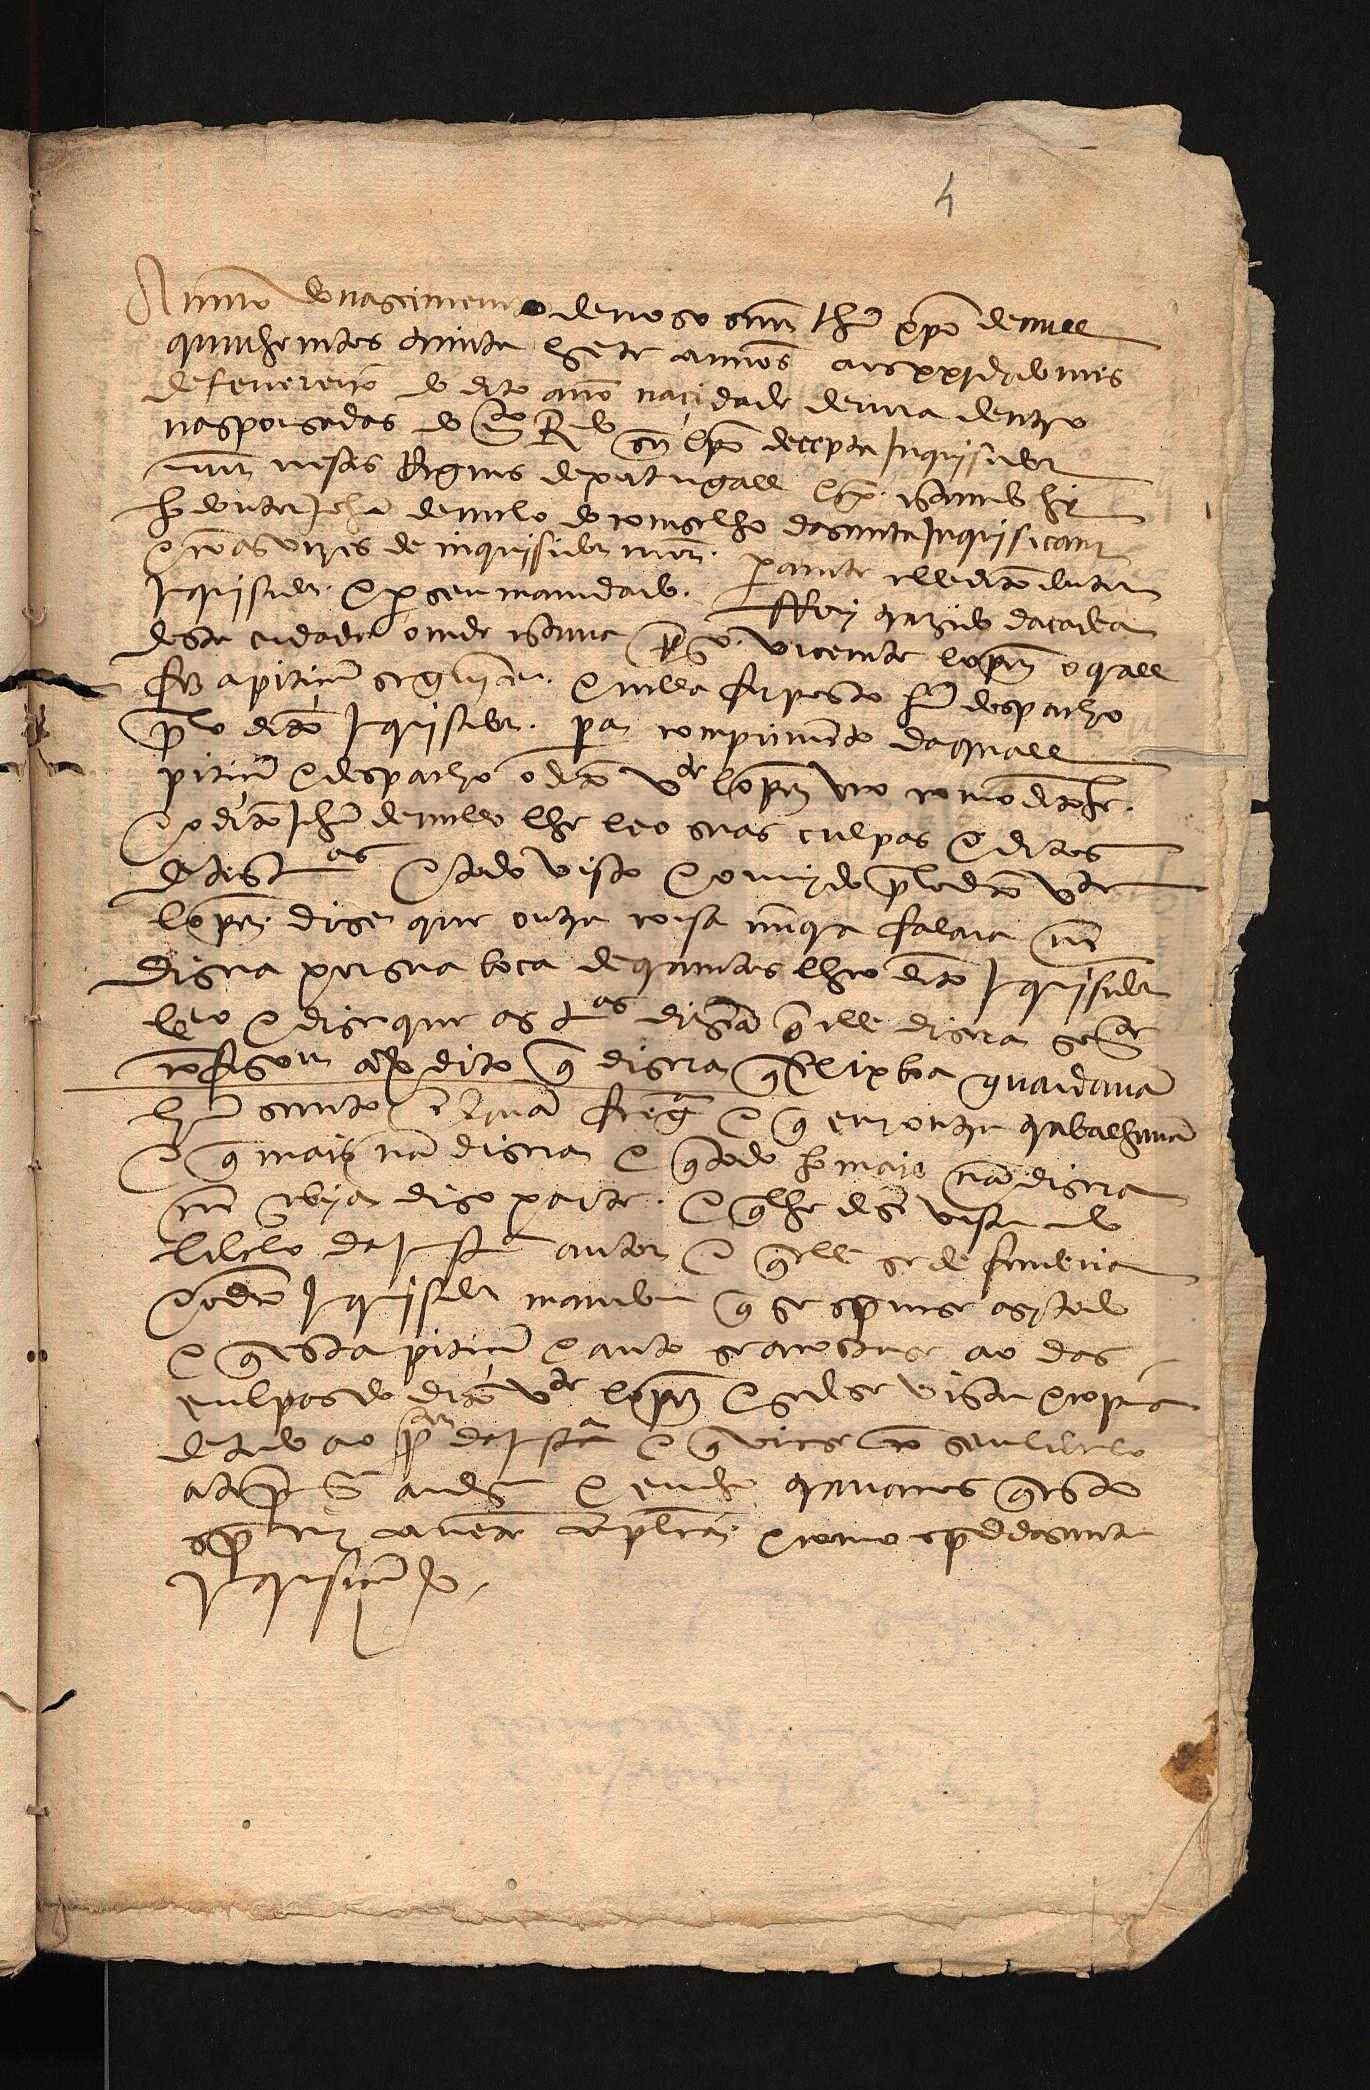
Anno do nascimemto de noso sn̄or Jhū xp̄o de mill
quinhemtos trinta e sete annos aos xxj di do mes
de feuereiro do dito ano na cidade deuora dentro
nas pousadas do mto Rdo s̄or bp̄o de cepta Jnqujsidor
mor nestes Regnos de portugall e cꝭ̄ estamdo hy
ho doutor Johā de melo do comselho da santa Jnqujsiçam
e c̄o as vezes de inqujsidor mor. ꝑamte elle dito doutor
Jnqujsidor e ꝑ seu mamdado. ffoy trazido da cadea
desta cidade omde estaua p̄so vicemte lopez o quall
fez a pitiçā seguj̄te e nella foi posto hū despacho
p̄lo dito Jnqujsidor ꝑa comprimēto da quall
pitiçā e despacho o dito vte lopez veo como dito he
e o dito Johā de mello lhe leo suas culpas e ditos
de testas e todo visto e ouujdo p̄lo dt̄o vte
lopez dise que outra cousa nūqua falara nē
disera por sua boca de quamtos lhe o dito Jnqujsidor
leo e dise que as tas diziā q̄ elle disera somte
c̄ofesou aꝟ dito q̄ disera q̄ ē lixboa guardauā
hū santo ē huā frega e q̄ em outra trabalhauā
e q̄ mais nā disera e q̄ todo ho mais nā disera
nē sabya diso parte. e q̄ lhe desē vista do
libelo da Justa autor e q̄ elle se defenderia
e o dt̄o Jnqujsidor mandou q̄ se sp̄uese asy todo
e q̄ esta pitiçā e auto se acostase ao das
culpas do dito vte lopez e se dese vista e copia
de tudo ao ꝓtor da Justa e q̄ viese c̄o seu libelo
ate p̄mra audja e eu djo trauaços q̄ esto
sp̄vy auc̄te ap̄lca e como esp̄uā da santa
Jnqusiçā
